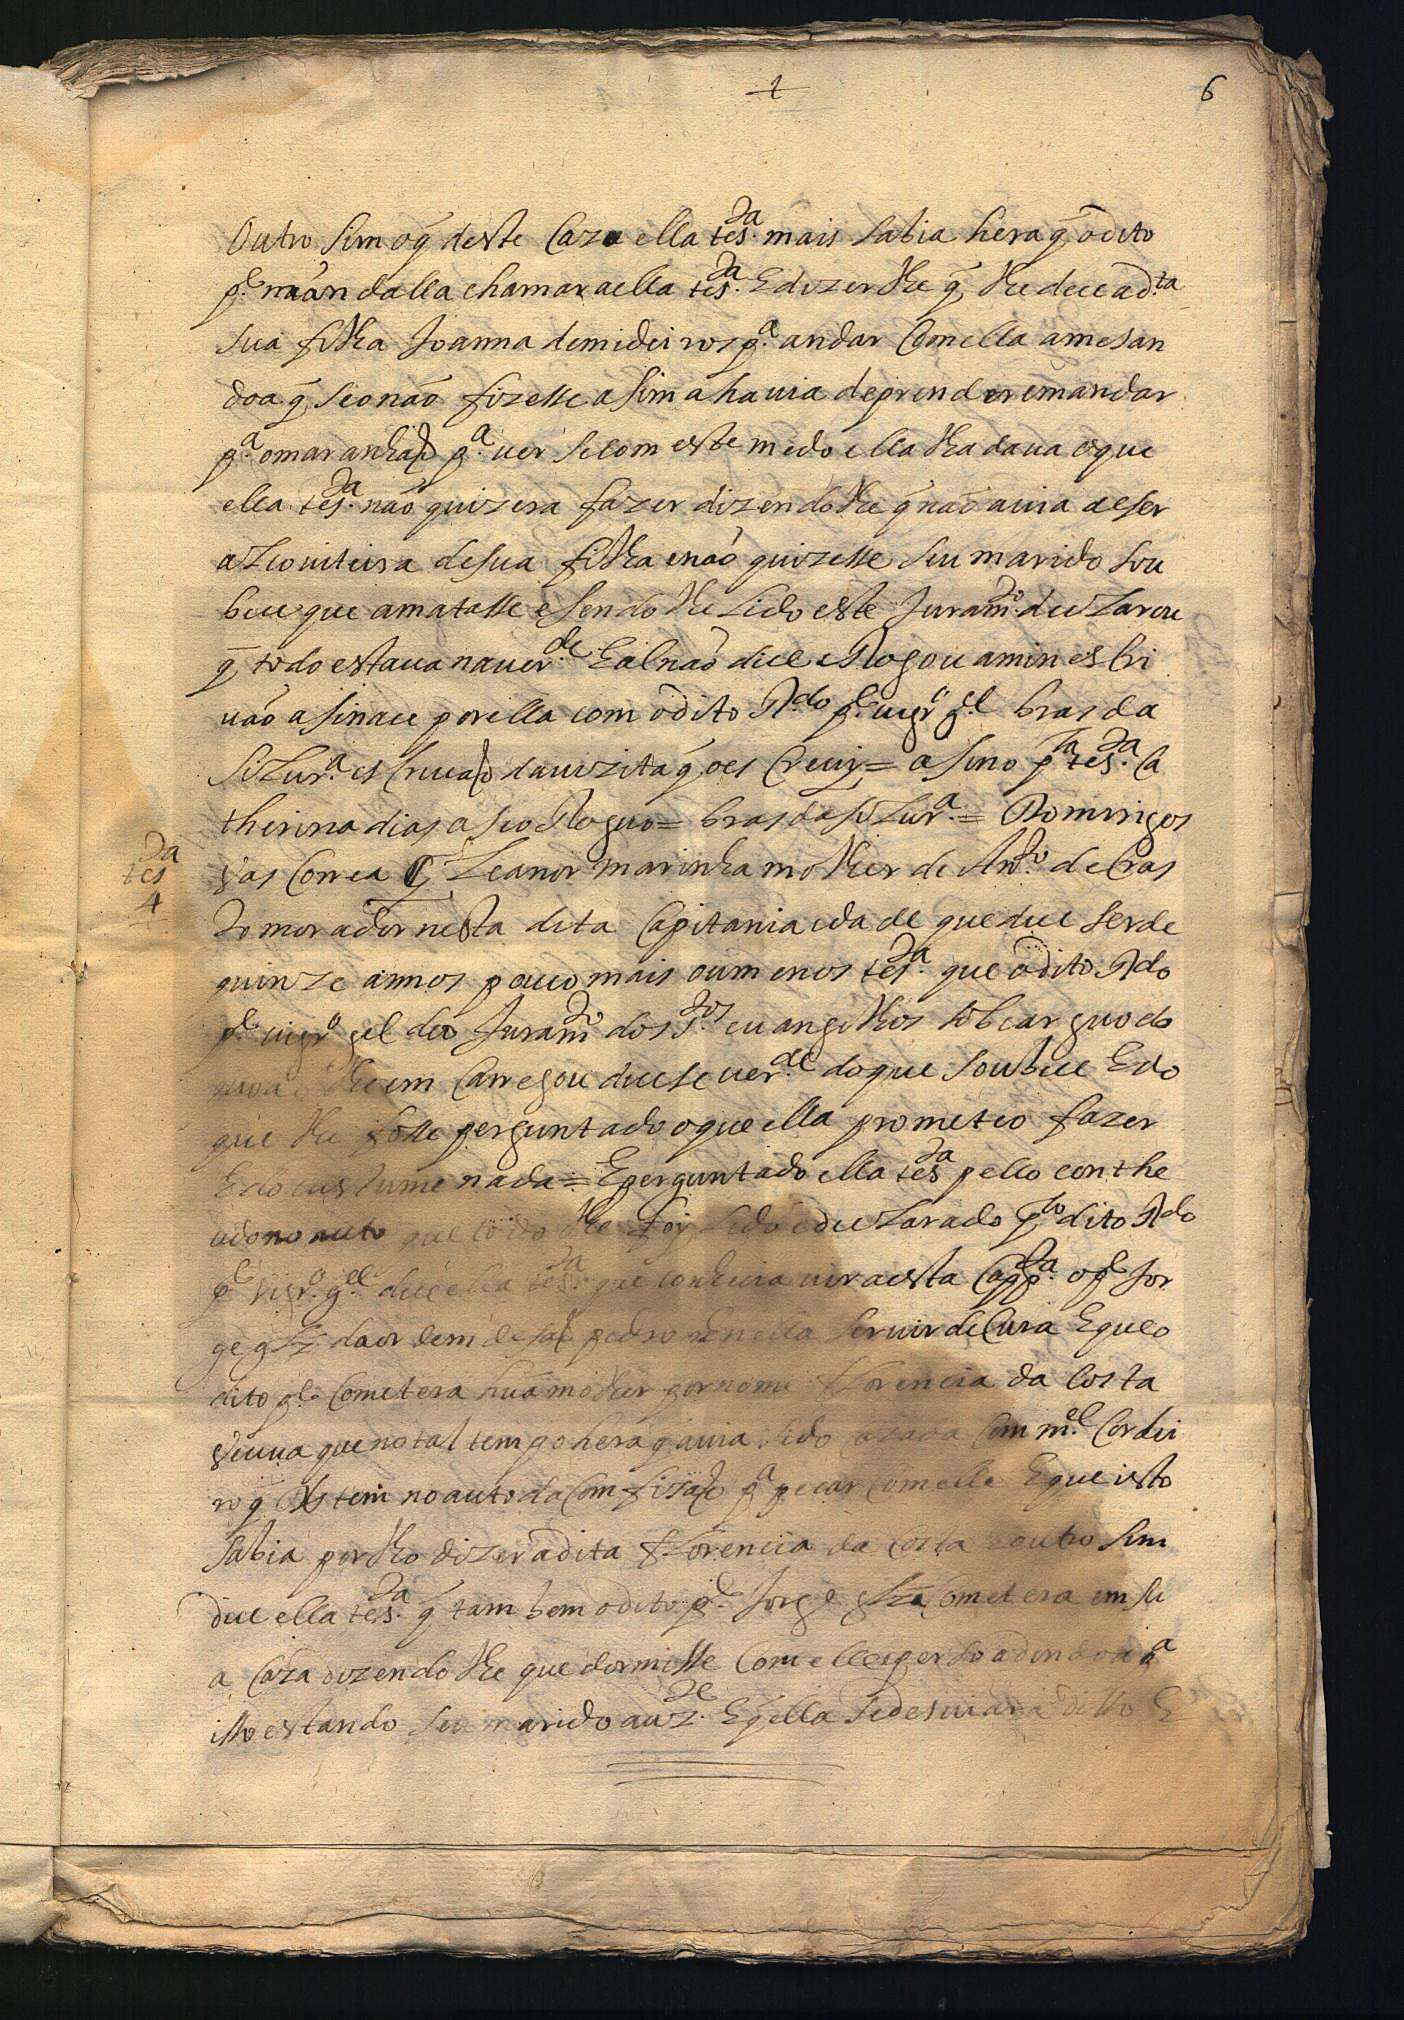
Outrosim o q̄ deste Cazo ella tes.ta mais sabia hera q̄ o dito
p.e mandalla chamar a ella testa. E dizerlhe q̄ lhe dece a d.ta
sua filha Joanna de mideiros p.a andar Com ella amesan
doa q̄ se o naõ fizesse asim a hauia de prender e mandar
p.a o maranhaõ p.a uer se com este medo ella lha daua o que
ella tes.ta naõ quizera fazer dizendolhe q̄ naõ auia de ser
alcouiteira de sua filha e naõ quizesse seu marido sou
bece que a matasse, e sendo lhe Lido este Juram.to declarou
q̄ todo estaua na uer.de E al naõ dice e Rogou a min esCri
uaõ asinace por ella com o dito R.do p.e uigr.o g.al bras da
Silur.a esCriuaõ da uizita q̄ o esCreuy = asino pla testa. Ca
therina dias a seo Roguo = bras da Silur.a = Domingos
Vas Correa ¶ Leanor marinha molher de An.to de Cras
testa
to morador nesta dita Capitania idade que dice ser de
quinze annos pouco mais ou menos testa que o dito Rdo
pe uigro gal deo Juramto dos stos euangelhos sob carguo do
quoal lhe emCarregou dicese uer.de do que soubece E do
que lhe fosse perguntado o que ella prometeo fazer
E do custume nada = E perguntado ella testa pello conthe
udo no auto que todo lhe foy lido e declarado p.lo dito Rdo
pe vigr.o g.al dice ella testa que conhecia uir a esta Capp.ta o pe Jor
ge glz̄ da ordem de saõ pedro E nella seruir de Cura E que o
dito pe Cometera huā molher por nome florencia da Costa
viuua que no tal tempo hera q̄ auia sido Cazada Com m.el Cordei
ro q̄ Ds̄ tem no auto da Comfisaõ pa pecar Com elle E que isto
sabia por lho dizer a dita florencia da Costa outro sim
dice ella tes.ta q̄ tambem o dito p.e Jorge glz̄ Cometera em su
a Caza dizendo lhe que dormisse Com elles persoadindoa pa
isso estando seu marido auz.te E q̄ ella se desuiara dello E
